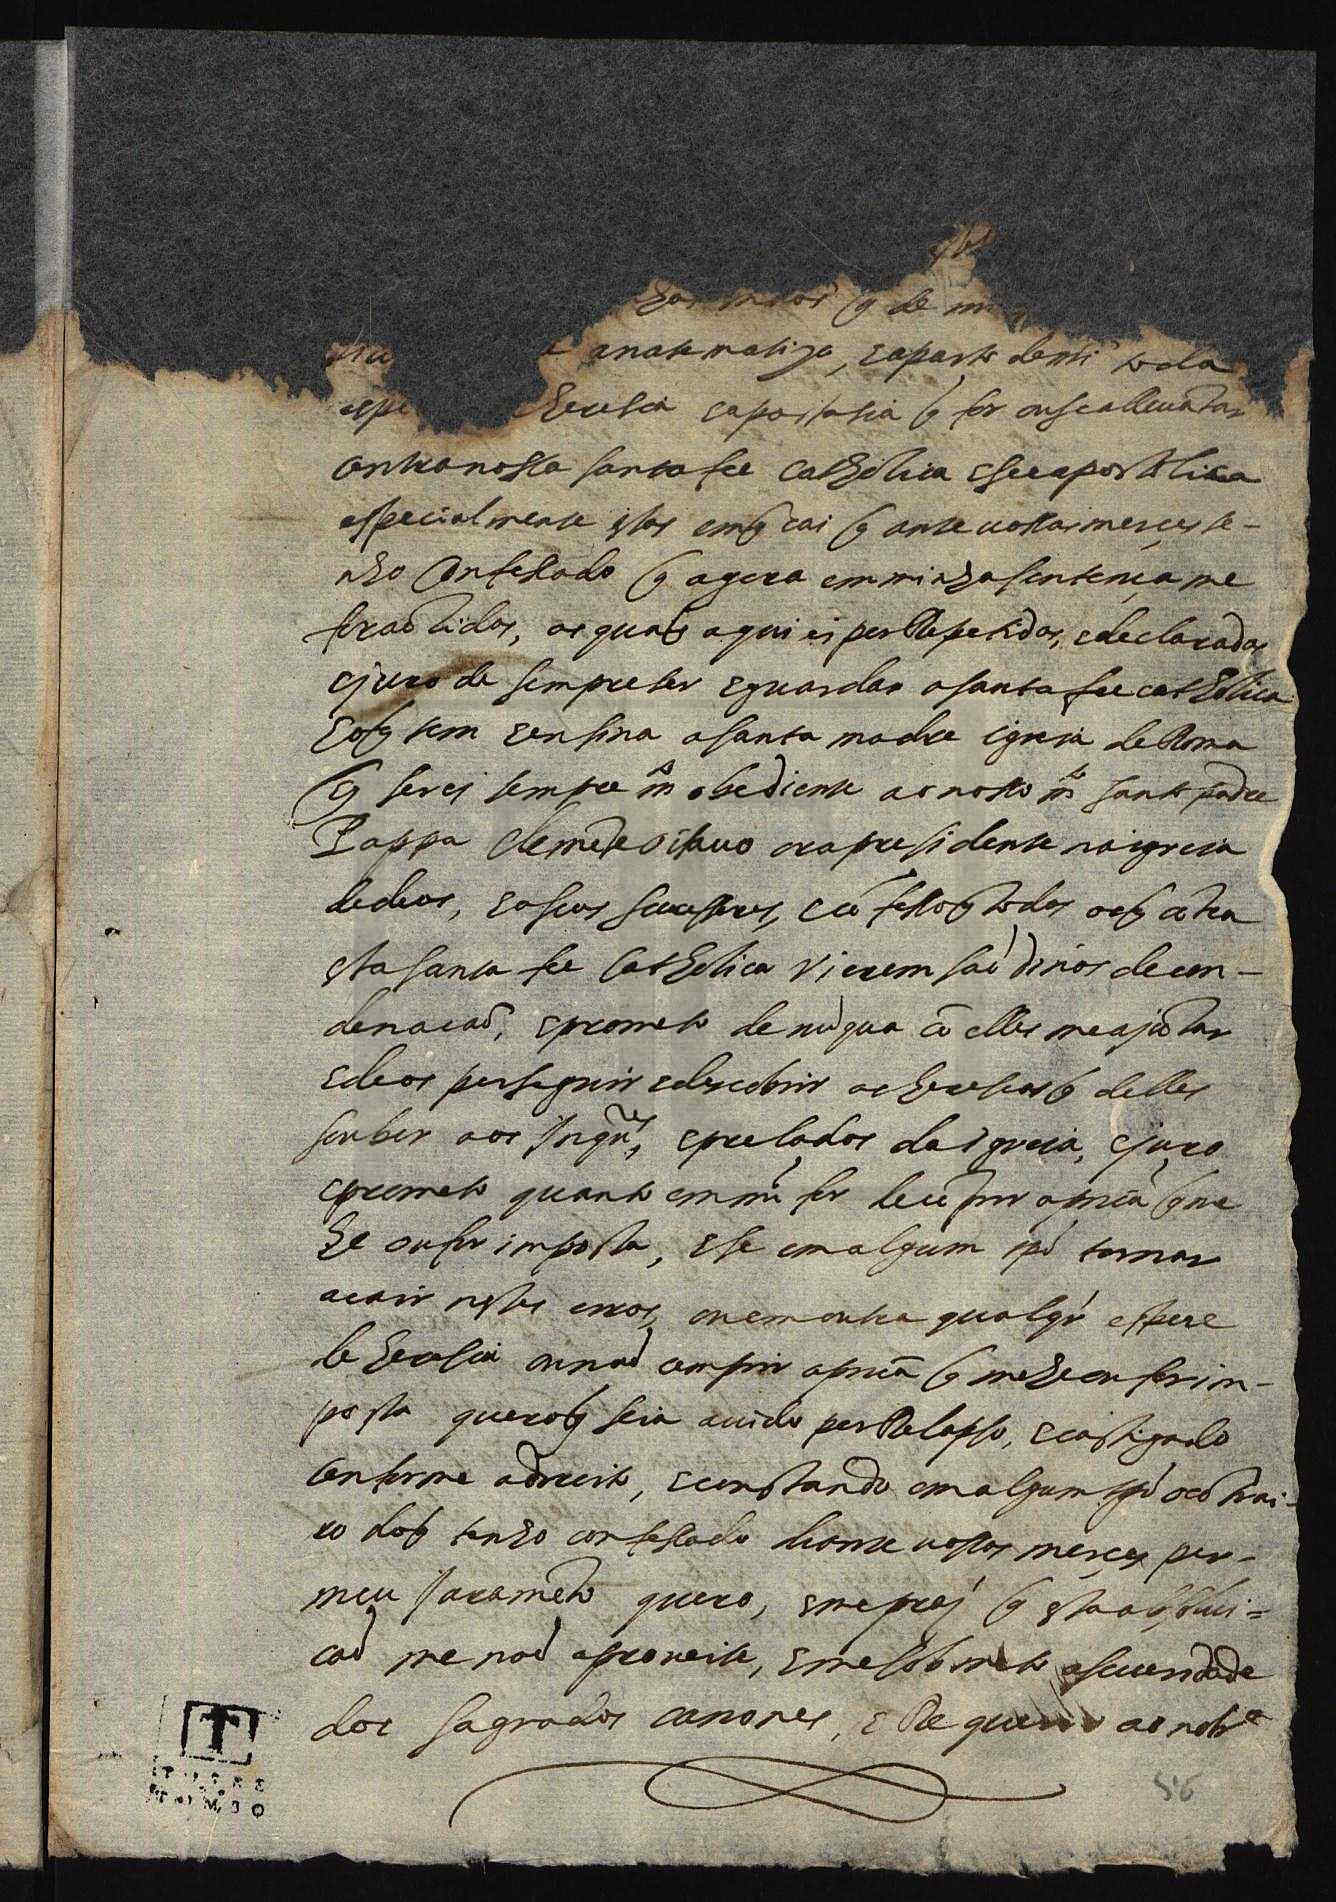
has _ maõs q̄ de m
anatematizo, E aparto de mi toda
espe
heresia E apostasia q̄ for ou se alleuātar
contra nossa santa fee catholica E see apostolica
especialmente estas em q̄ cai q̄ ante uossas merces te
nho Confessado q̄ agora em minha sentença me
foraõ lidas, as quais aqui ei per Repetidas, e declaradas
e juro de sempre ter e guardar a santa fee catholica
E o q̄ tem E ensina a santa madre igreia de Roma
q̄ serei sempre mto obediente ao nosso mto santo padre
Pappa Clemēte oitauo ora presidente na igreia
de deos, E a seus sucessores, e cōfesso q̄ todos os q̄ cōtra
esta santa fee catholica vierem saõ dinos de con
denaçaõ, E prometo de nūqua cō elles me ajūtar
E de os perseguir E descobrir as heresias q̄ delles
souber aos Inqures, e prelados da igreia, e juro
e prometo quanto em mī for de cōprir a pniā q̄ me
he ou for imposta, E se em algum tpō tornar
a cair nestes erros, ou em outra qualqr̄ espece
de heresia ou naõ comprir a pniā q̄ me he ou for im
posta quero q̄ seia auido por Relapso, e castigado
conforme a direito, E constando em algum tpō o cōtrai
ro do q̄ tenho confessado diante uossas merces per
meu Juramēto quero, E me praz q̄ esta ao absolui
çaõ me naõ aproueite, E me sobmeto a seueridade
dos sagrados canones, E Requerio ao notro
